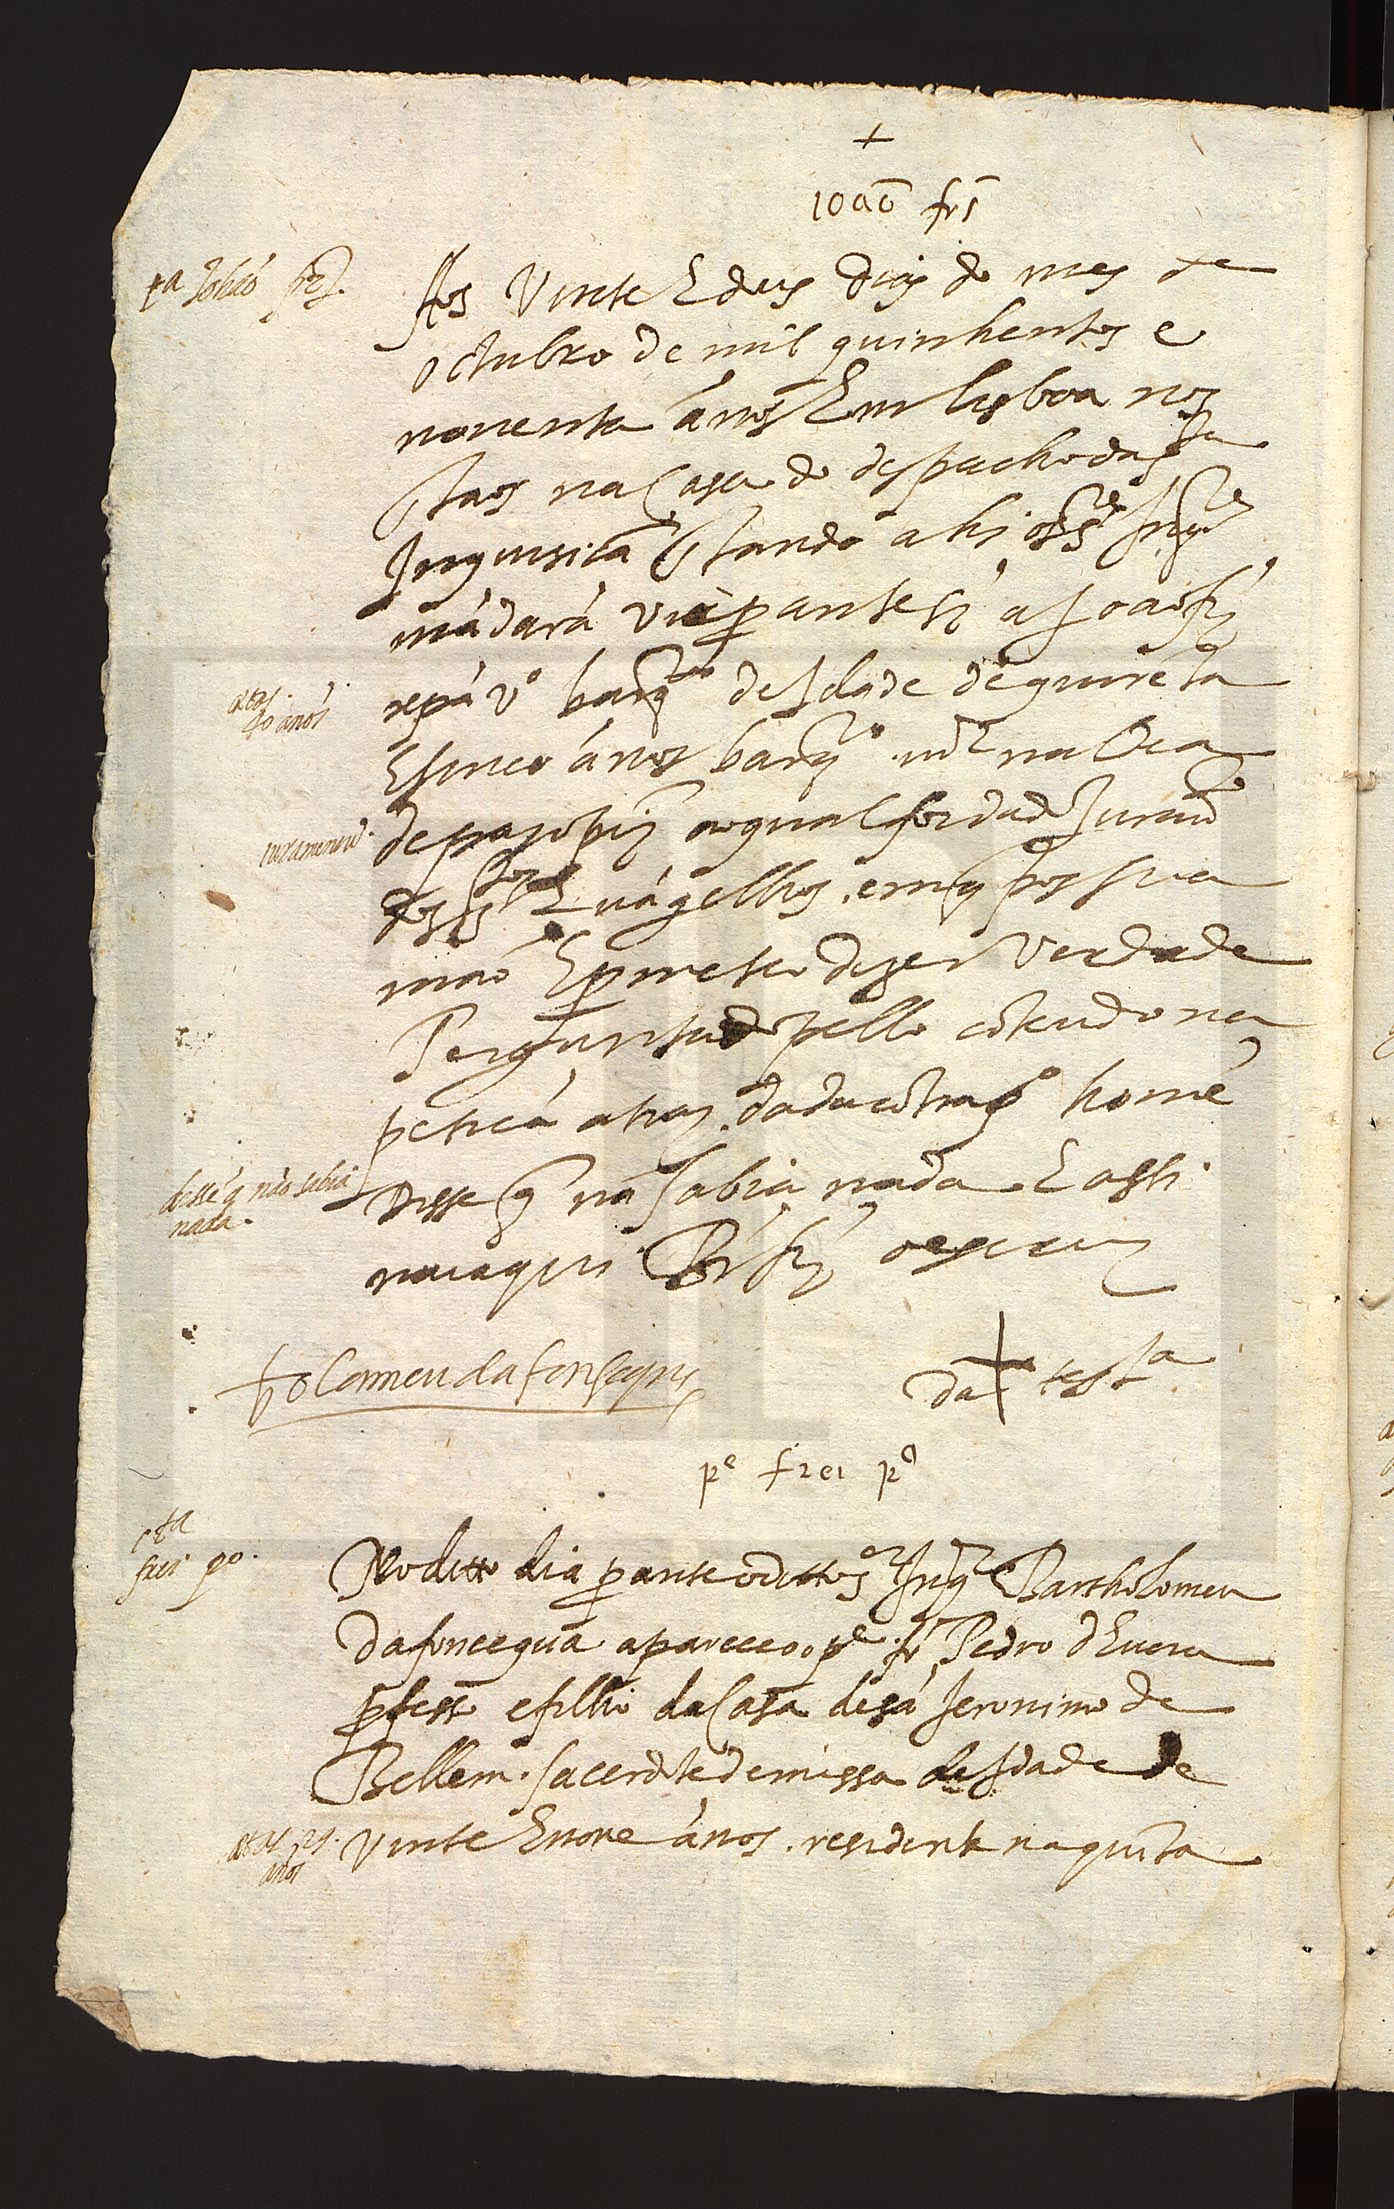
ioaõ frs̄
Aos vinte E dous dias do mes de
octubro de mil quinhentos e
nouenta ānos Em lisboa nos
staos na Casa do despacho da sta
Jnquisiçā stando ahi os sres Jnq̄res
mādarā vir ꝓante si a Joao frz̄
xpā vo barq̄ro de Jdade de quarēta
E sinco ānos barq̄ro mr naldea
de pajo pīz ao qual foi dado Juramto
dos Stos Euāgelhos, em q̄ pos sua
mão E ꝓmeteo dizer verdade
Perguntado pello cōteudo na
peticā atraz dada cōtra po homē
Disse q̄ nā sabia nada E assi
nou aqui Br̄ frz̄ o escreuj
pe frei po
No ditto dia ꝓante o ditto sor Jnq̄r Bartholomeu
da foncequa apareceo o pe fr̄ Pedro dEuora
ꝓfesso e filho da Casa de sā Jeronimo de
Bellem. sacerdote de missa de Jdade de
vinte E noue ānos. residente na quīta
